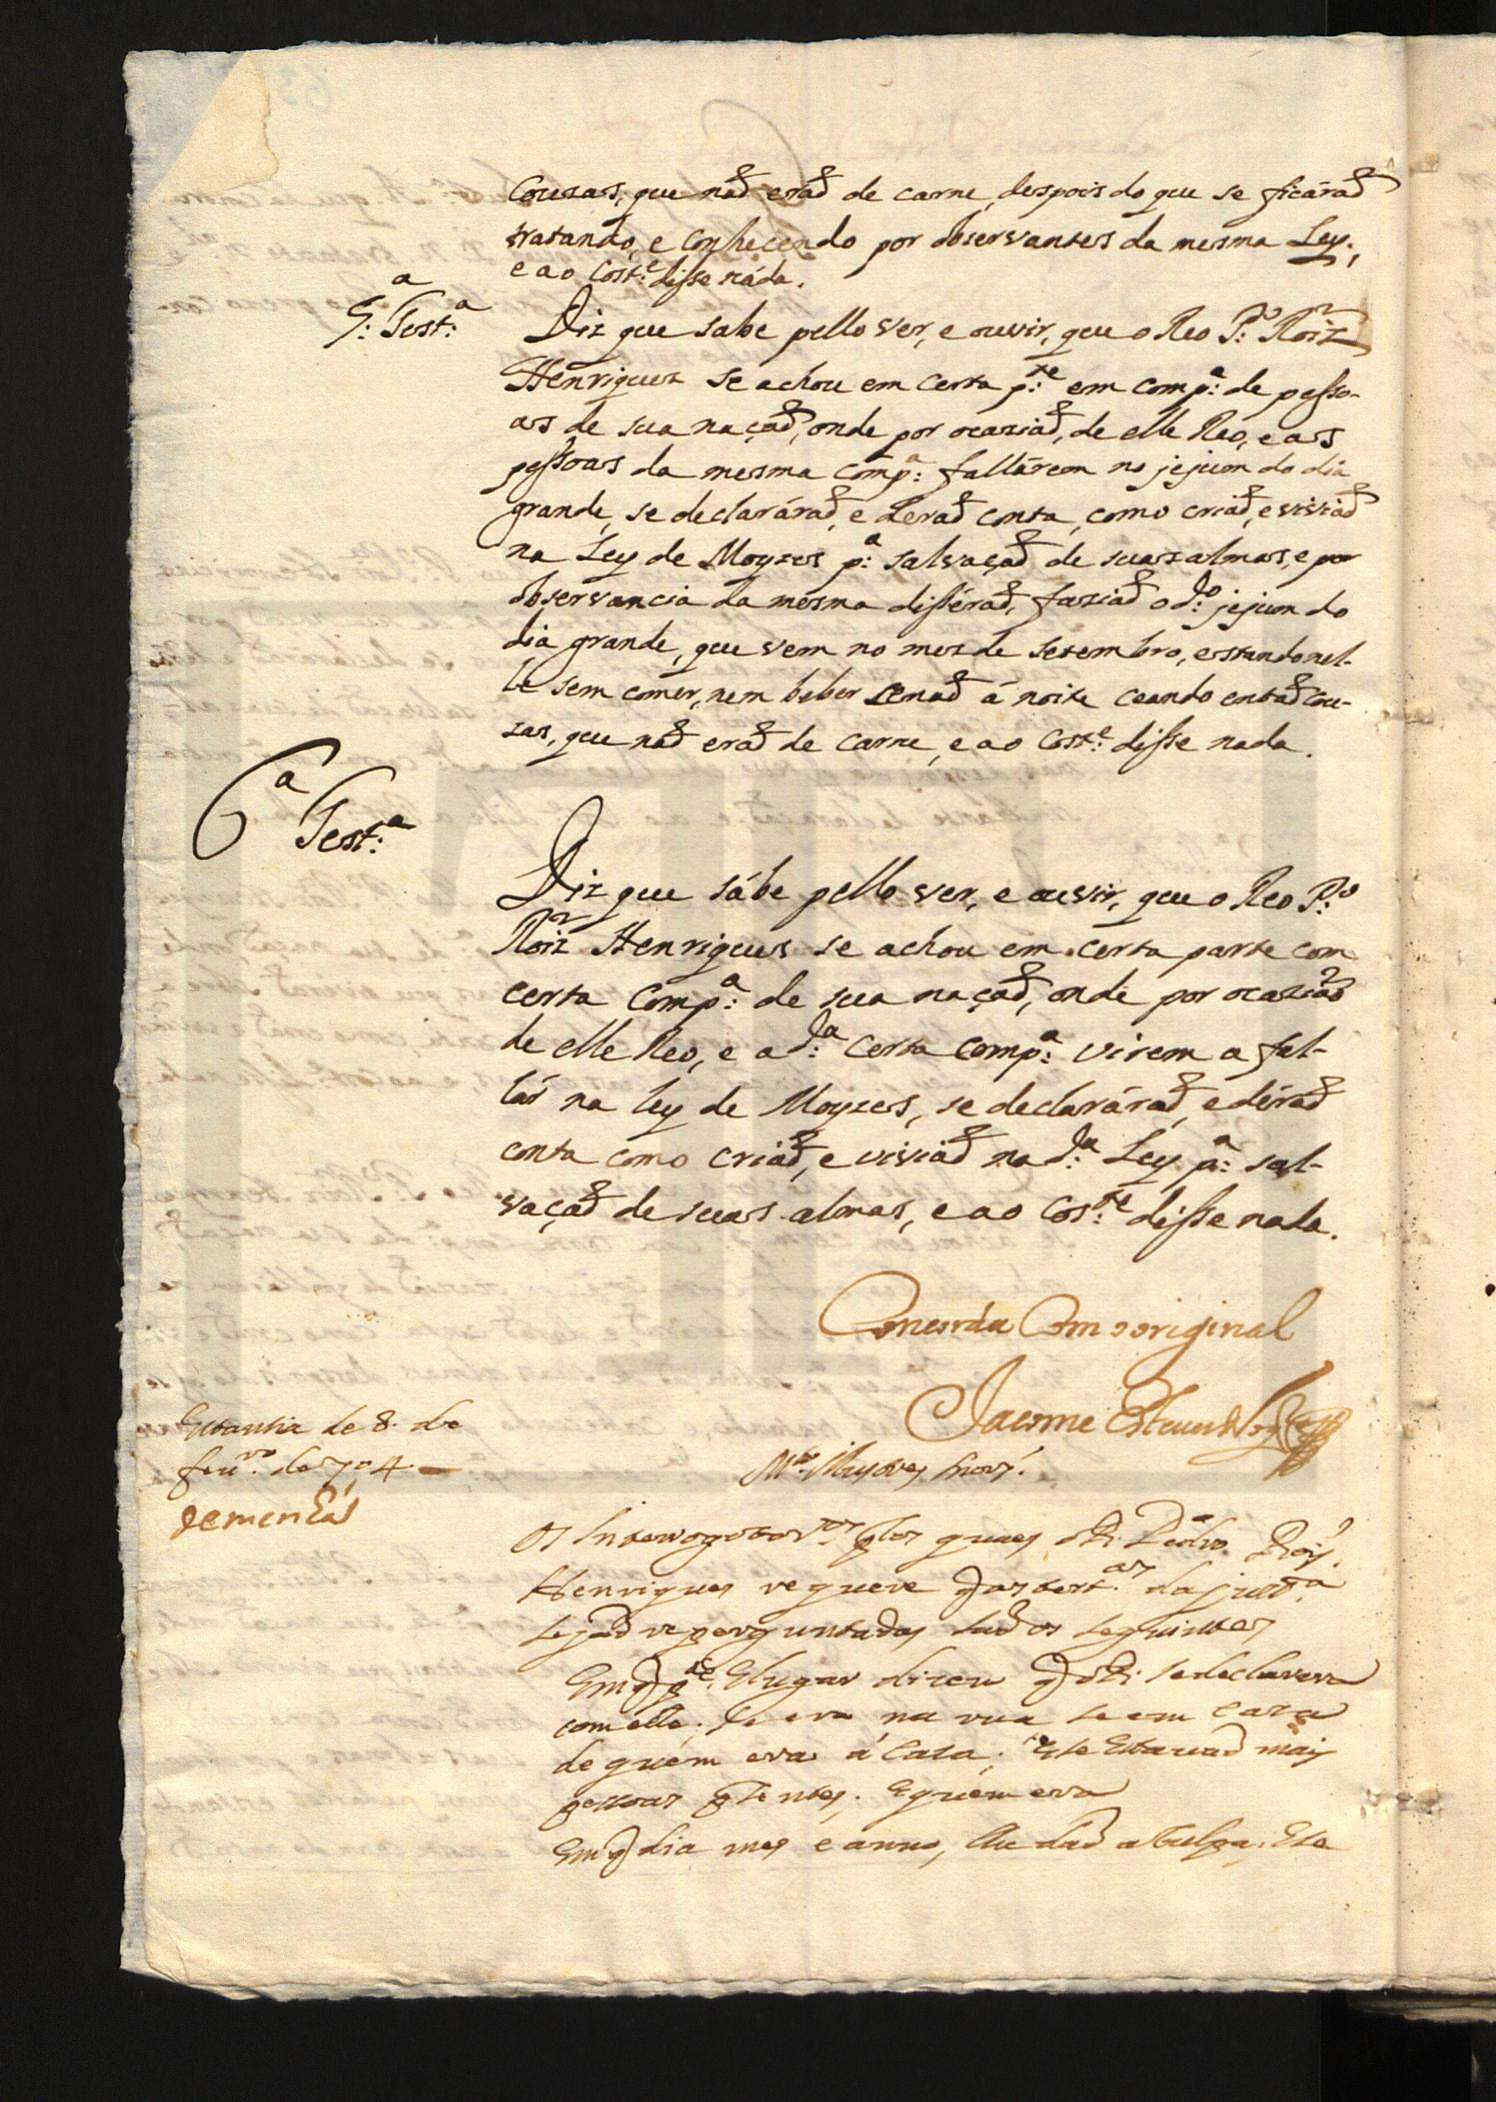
5:a Test:a
6a Test:a
Estansia de 8. de
feu.ro de 704
de menhã
couzas, que naõ eraõ de carne, despois do que se ficáraõ
tratando, e conhecendo por observantes da mesma Ley.
e ao Cost.e disse náda.
Diz que sabe pello ver, e ouvir, que o Reo P:o Roīz
Henriquez se achou em certa p:te em comp:a de pesso
as de sua naçaõ, onde por ocaziaõ, de elle Reo, e as
pessoas da mesma comp:a fallárem no jejum do dia
grande, se declaráraõ, e deraõ conta, como criaõ, e viviaõ
na Ley de Moyzes p:a salvaçaõ de suas almas, e por
observancia da mesma disséraõ, faziaõ o d:o jejum do
dia grande, que vem no mez de setembro, estando nel
le sem comer, nem beber senaõ á noite ceando entaõ cou
zas, que naõ eraõ de carne, e ao cost:e disse nada.
Diz que sábe pello ver, e ouvir, que o Reo P:o
Roīz Henriques se achou em certa parte com
certa comp:a de sua naçaõ, onde por ocaziaõ
de elle Reo, e a d:a certa comp:a virem a fal
lár na ley de Moyzes, se declaráraõ, e déraõ
conta como criaõ, e viviaõ na d:a Ley p:a sal
vaçaõ de suas almas, e ao cos:te disse nada.
Concorda Com o original
Jacome Esteues Nogra
M.to Illustres Snors̄.
Os Interrogator.os plos quaes o R. Pedro Rois̄
Henriques requere q̄ as test.as da just.a
sejaõ reperguntadas saõ os seguintes
Em q̄ pte. E lugar dizem q̄ o R. se declarava
com elle; se era na rua, se em caza
de quem era á caza; e se Estauaõ mais
pessoas p̄zentes; E quem era
Em q̄ dia mes e anno, lhe daõ a Culpa; E se
